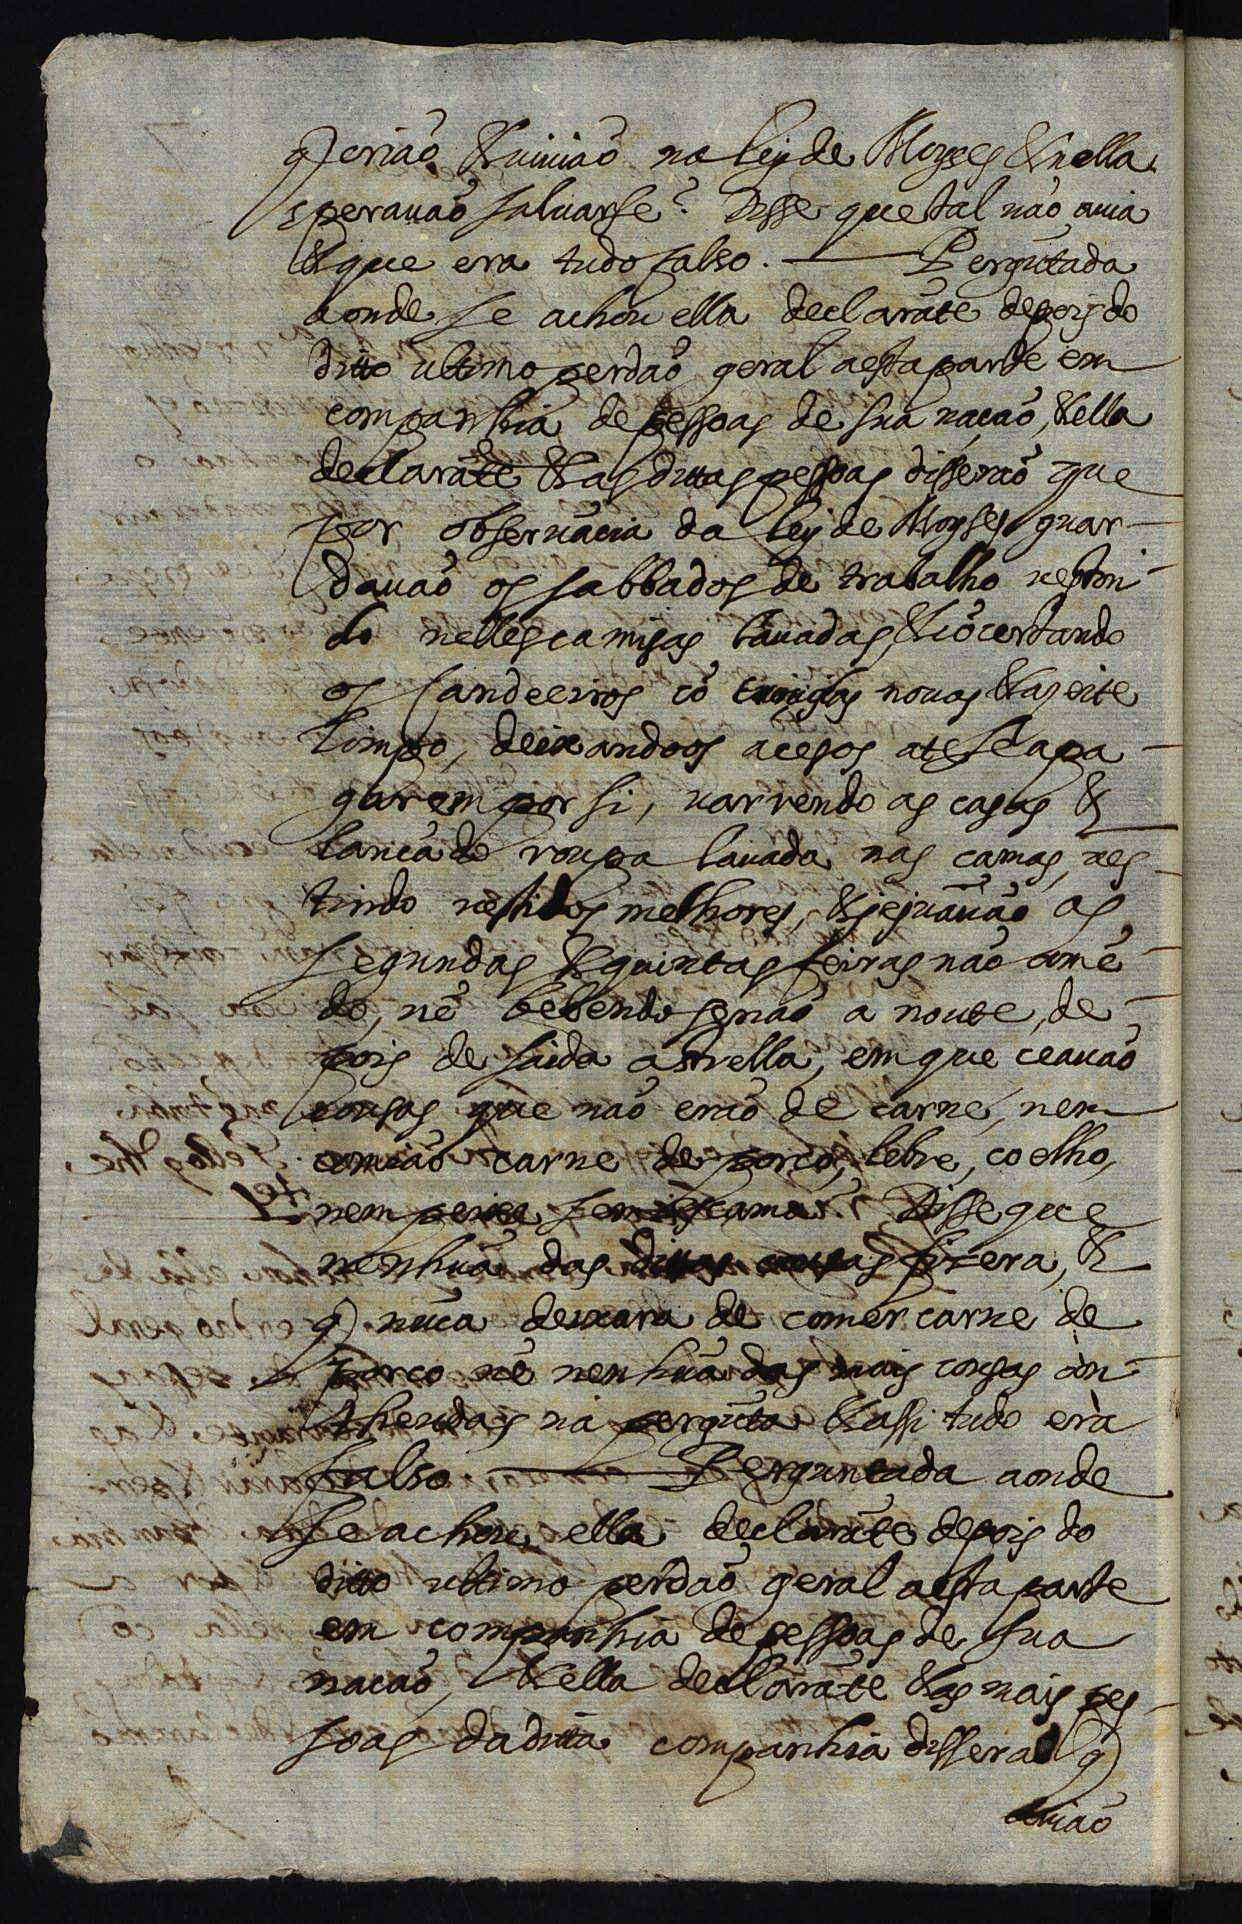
q̄ criaõ & uiuiaõ na Ley de Moyses & nella
sperauaõ saluarse? Disse que tal naõ auia
& que era tudo falso.
Pergūtada
aonde se achou ella declarāte depois do
ditto ultimo perdaõ geral a esta parte em
companhia de pessoas de sua naçaõ, & ella
declarāte & as dittas pessoas disseraõ que
por obseruācia da ley de Moyses guar
dauaõ os sabbados de trabalho uestin
do nelles camisas lauadas, & cōcertando
os Candeeiros cō trocidas nouas & azeite
limpo, deixandoos acesos ate se apa
garem por si, uarrendo as casas &
lançādo roupa lauada nas camas, ues
tindo uestidos melhores, & jejuauaõ as
segundas & quintas feiras naõ comē
do, ne̅ bebendo senaõ a noute, de
pois de saida a strella, em que ceauaõ
cousas que naõ eraõ de carne, nem
comiaõ carne de porco, lebre, coelho,
nem peixe sem escama? Disse que
nenhuã das dittas cousas fizera, &
q̄ nūca deixara de comer carne de
porco nē nenhuã das mais cousas con
theudas na pergūta & assi tudo era
falso.
Perguntada aonde
se achou ella declarāte depois do
ditto ultimo perdaõ geral a esta parte
em companhia de pessoas de sua
naçaõ, nella declarāte & as mais pes
soas da ditta companhia disseraõ q̄
auiaõ
